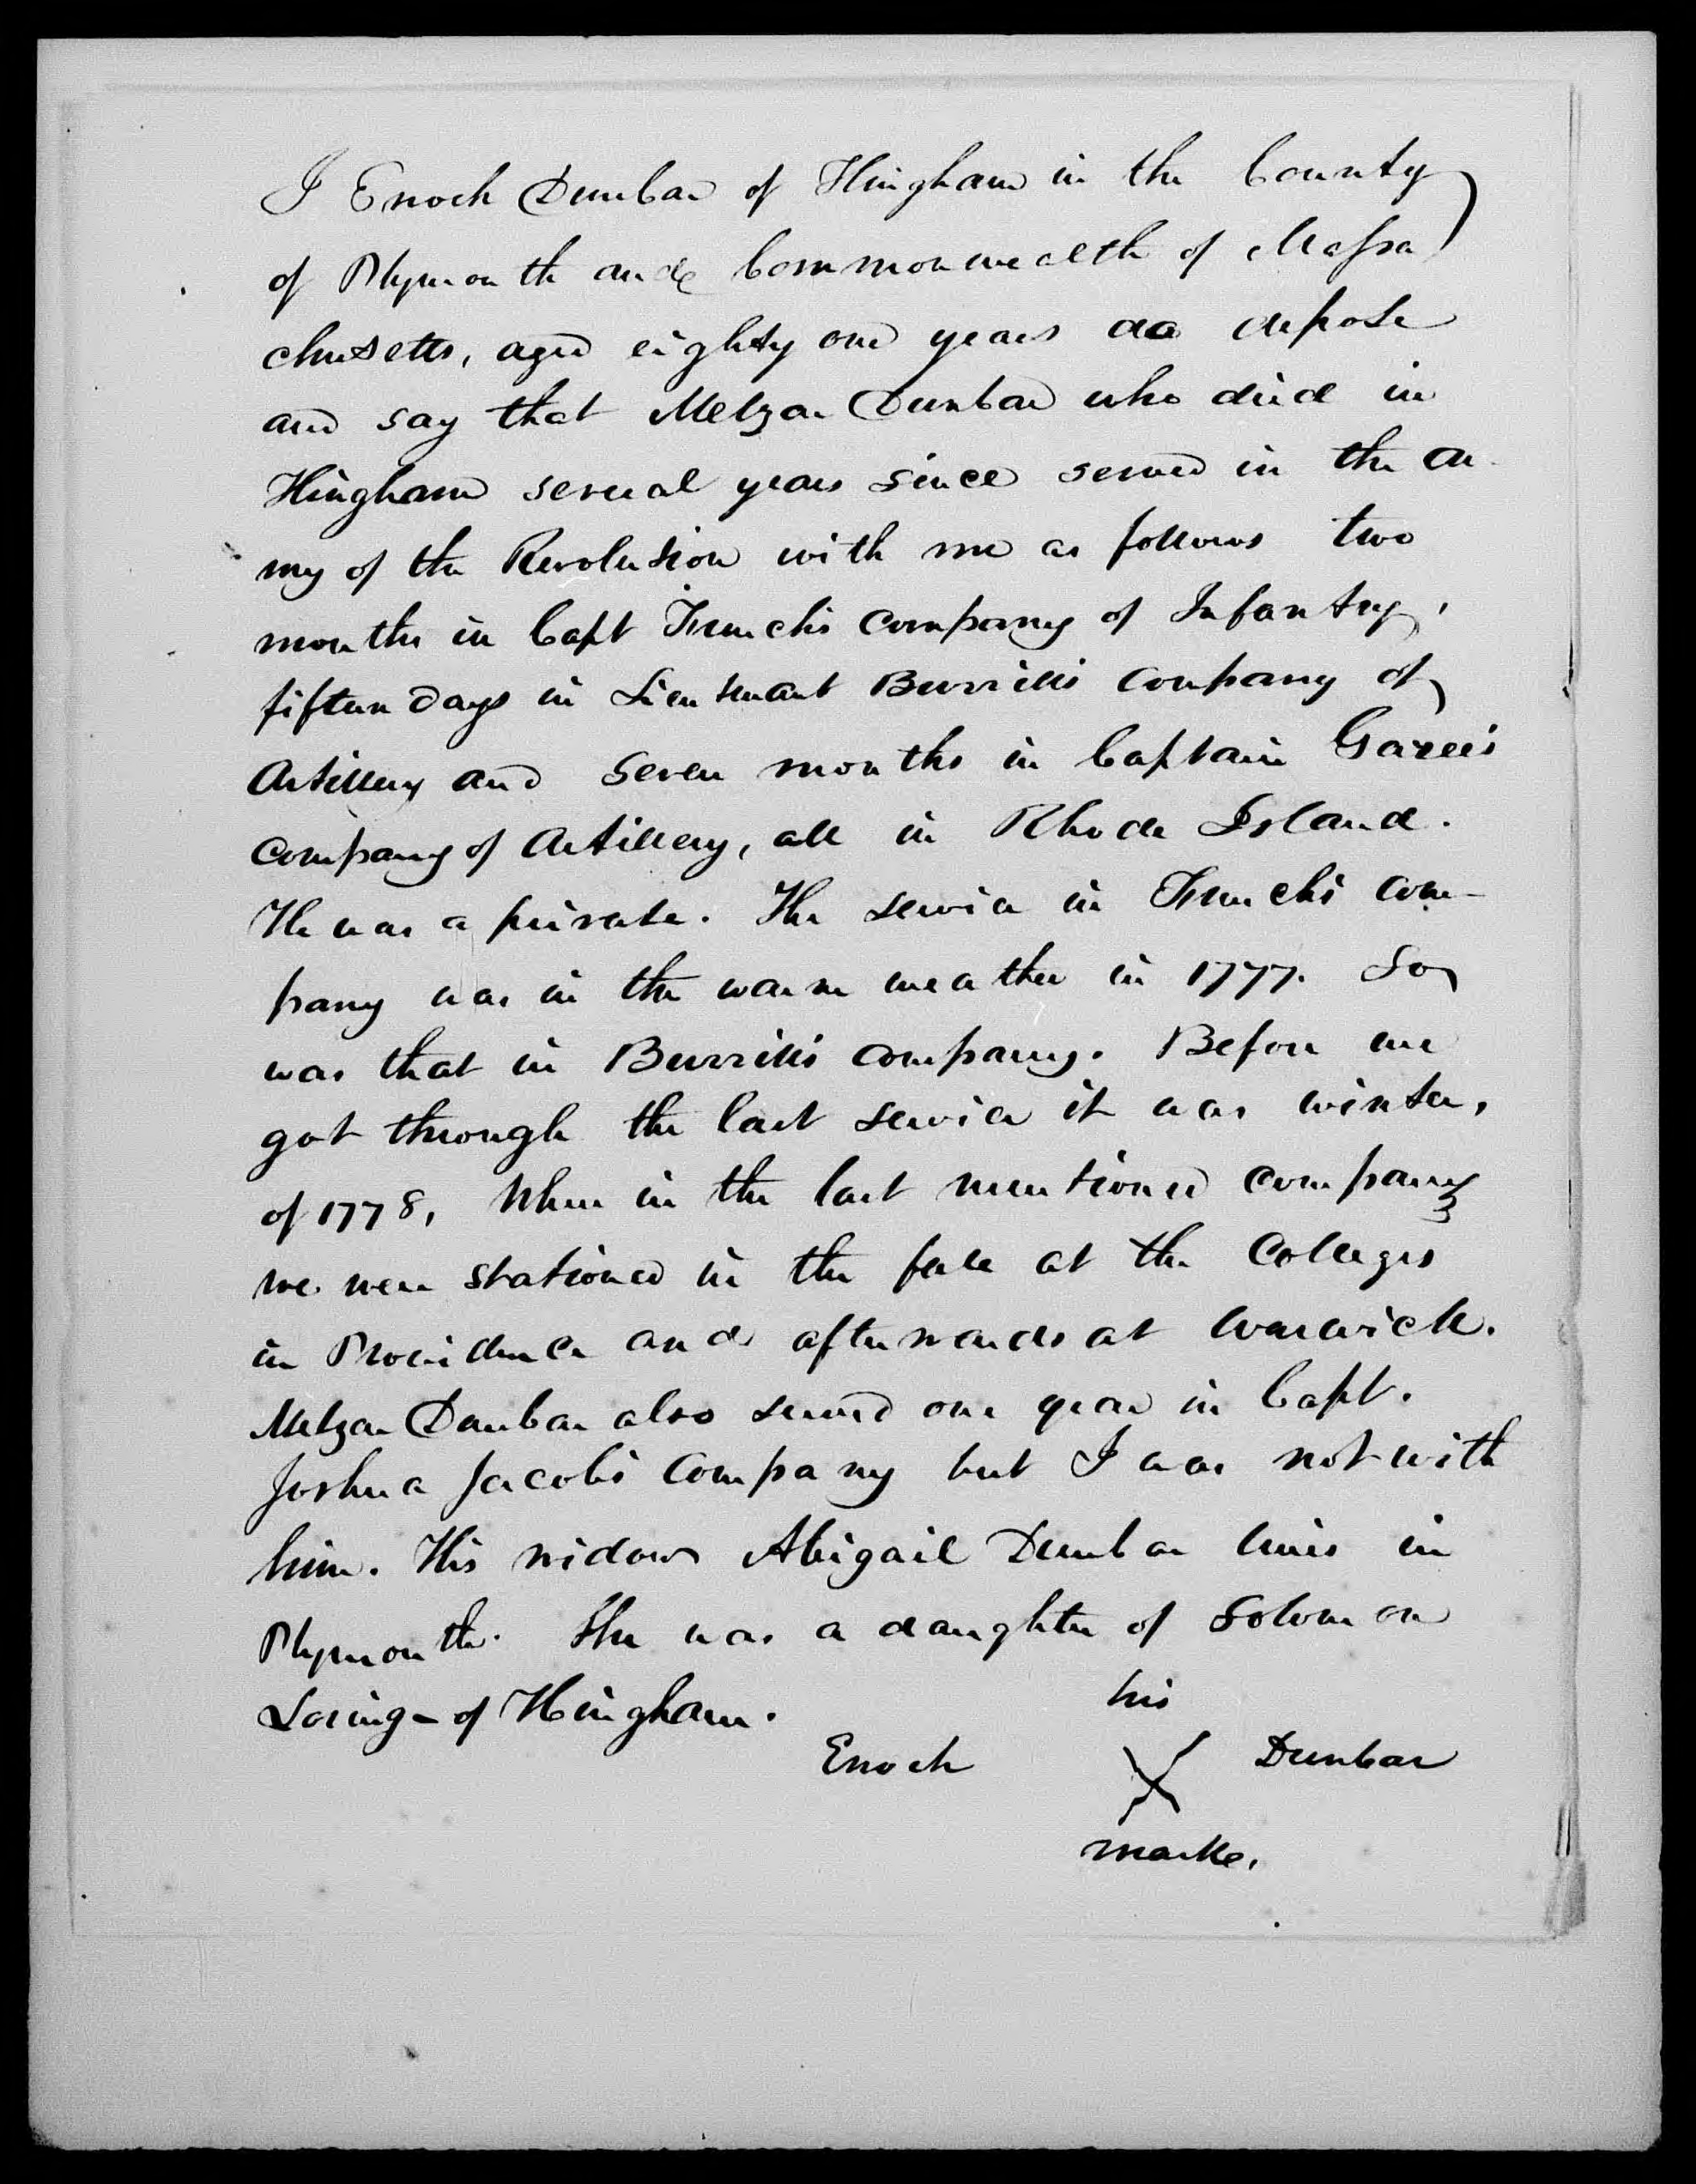I Enoch Dunbar of Hingham in the County of Plymouth and Commonwealth of Massachusetts, aged eighty one years do depose and say that Melzar Dunbar who died in Hingham several years since served in the army of the Revolution with me as follows two months in Capt. French's company of Infantry, fifteen days in Lieutenant Burrell's company of Artillery and seven months in Captain Gazee's company of Artillery, all in Rhode Island. He was a private.  The service in French's company was in the warm weather in 1777.  So was that in Burrell's company.  Before we got through the last service it was winter, of 1778, when in the last mentioned company we were stationed in the fall at the colleges in Providence and afterwards at Warwick.  
Melzar Dunbar also served one year in Capt. Joshua Jacob's company but I was not with him. His widow Abigail Dunbar lives in Plymouth.  She was a daughter of Solomon Loring of Hingham.

Enoch Dunbar his X mark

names: Abigail Dunbar, Enoch Dunbar, Melzar Dunbar, Enoch Dunbar, Melzar Dunbar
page: 24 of 26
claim: widow's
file: W. 14657, Melzar Dunbar, Mass.